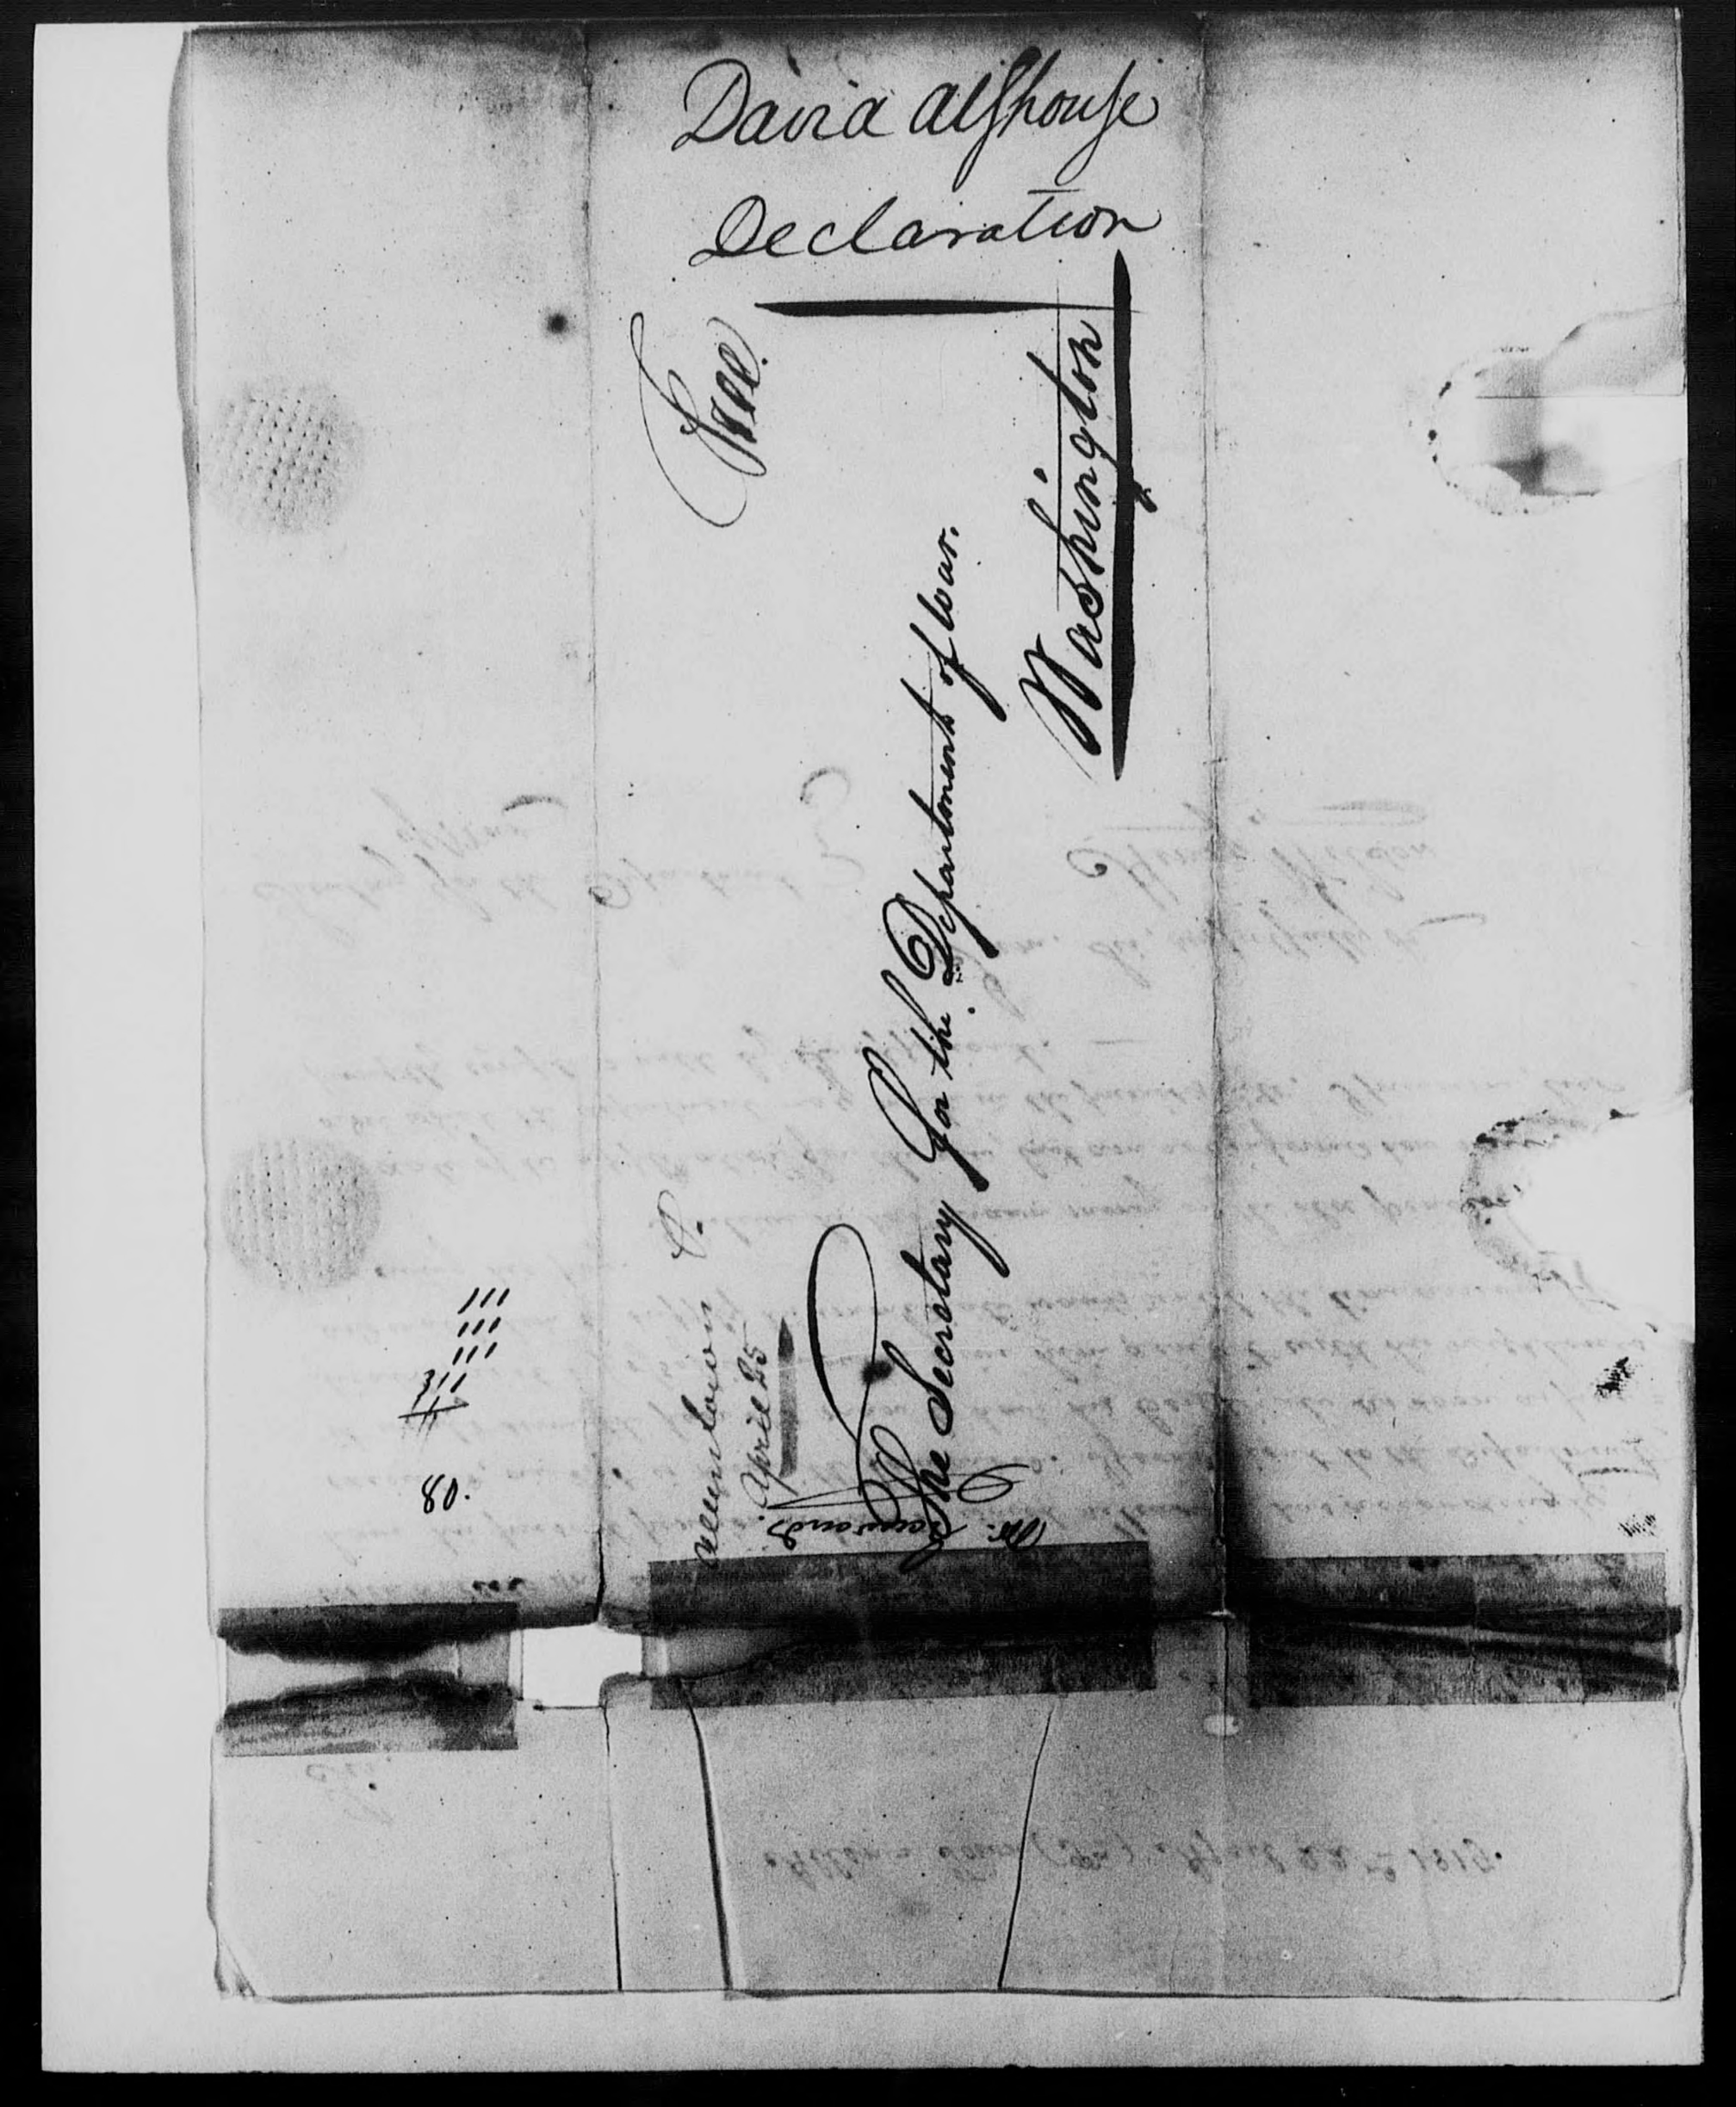David Alshouse
Declaration
-----------
Free

Allentown Pa
April 25

Mr.
The Secretary for the Department of War.
Washington

[left hand side of page]
lll
lll
lll
311
l
80.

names: David Alshouse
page: 14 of 17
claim: survivor's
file: S. 39928, David Alshouse, Penn.